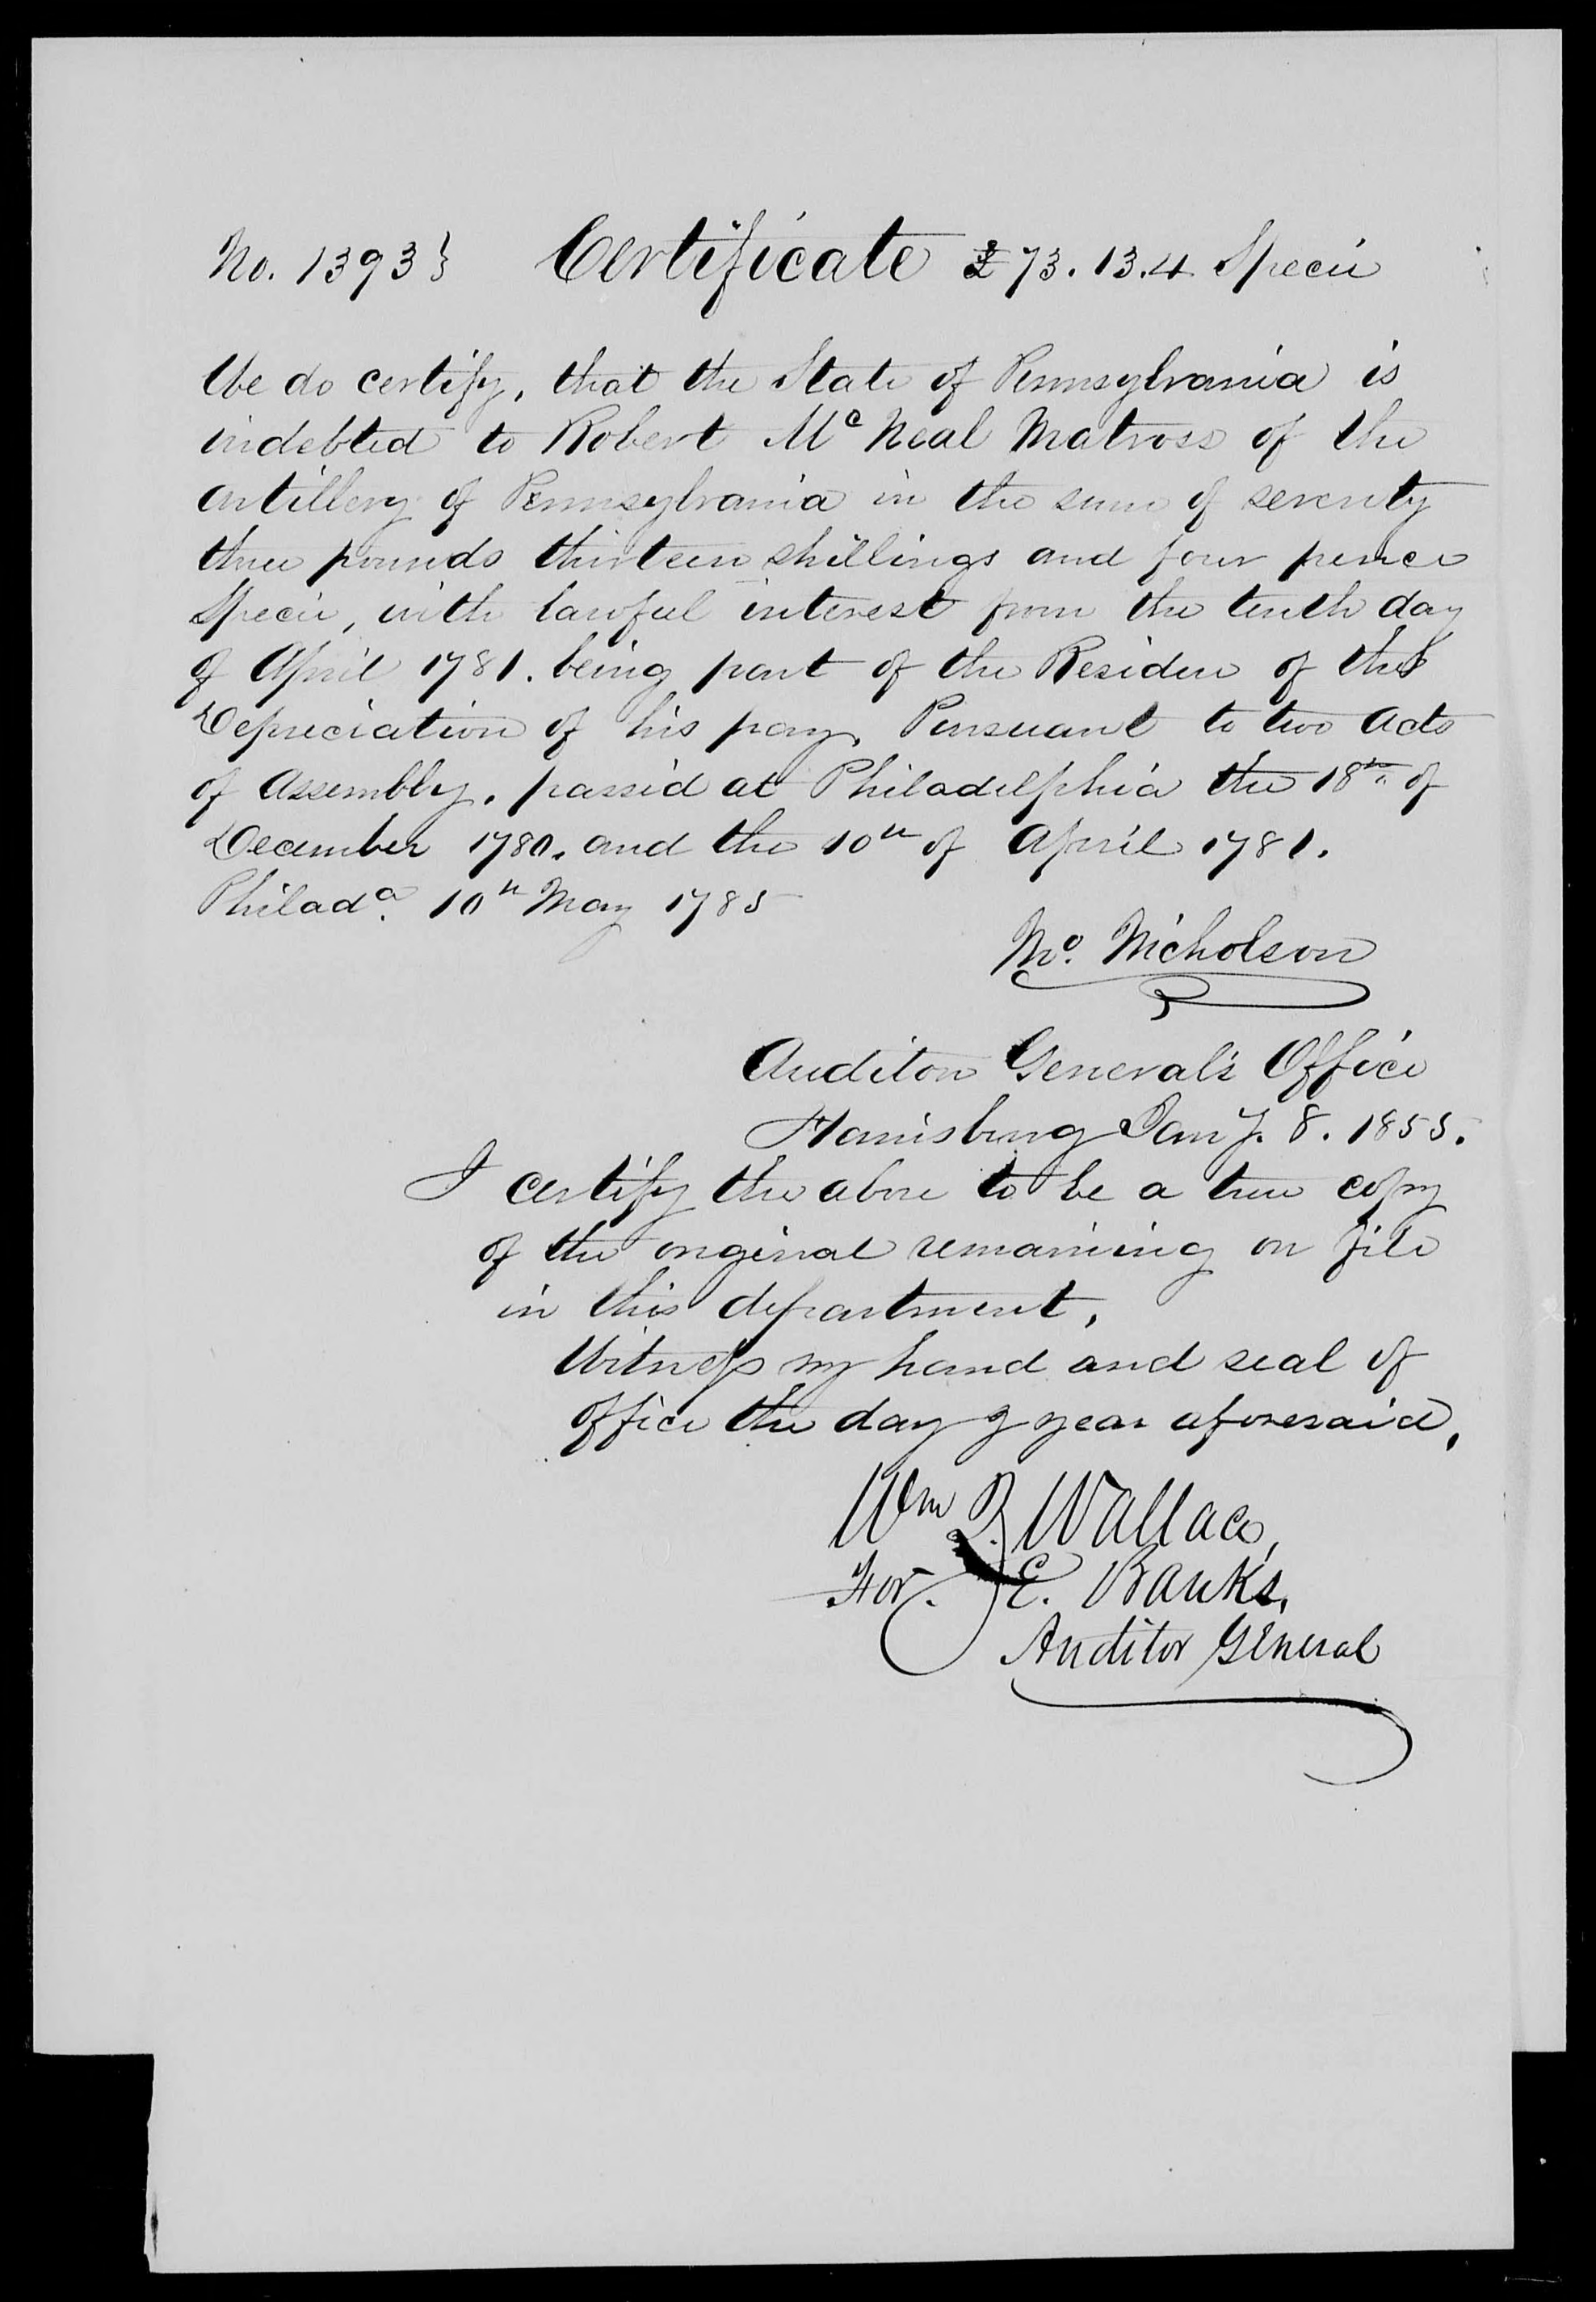No. 1393}
Certificate 73.13.4 Specii

We do certify that the State of Pennsylvania is indebted to Robert McNeal Matross of the artillery of Pennsylvania in the sum of seventy three pounds thirteen shillings and four pence Specii, with lawful interest from the tenth day of April 1781. being part of the Residue of the depreciation of his pay. Pursuant to two Acts of Assembly. passed at Philadelphia the 18th of December 1780. and the 10th of April 1781.
Philad. 10th May 1785
[signed] McNicholson
Auditor General's Office
Harrisburg Jany 8.1855.
I certify the above to be a true copy of the original remaining on file in this department.
Witness my hand and seal of office this day & year aforesaid.
[signed] Wm J. Wallace
for E. Banks, 
Auditor General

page: 12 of 13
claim: rejected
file: R. 6801, for Robert Mc Neely, Pennsylvania